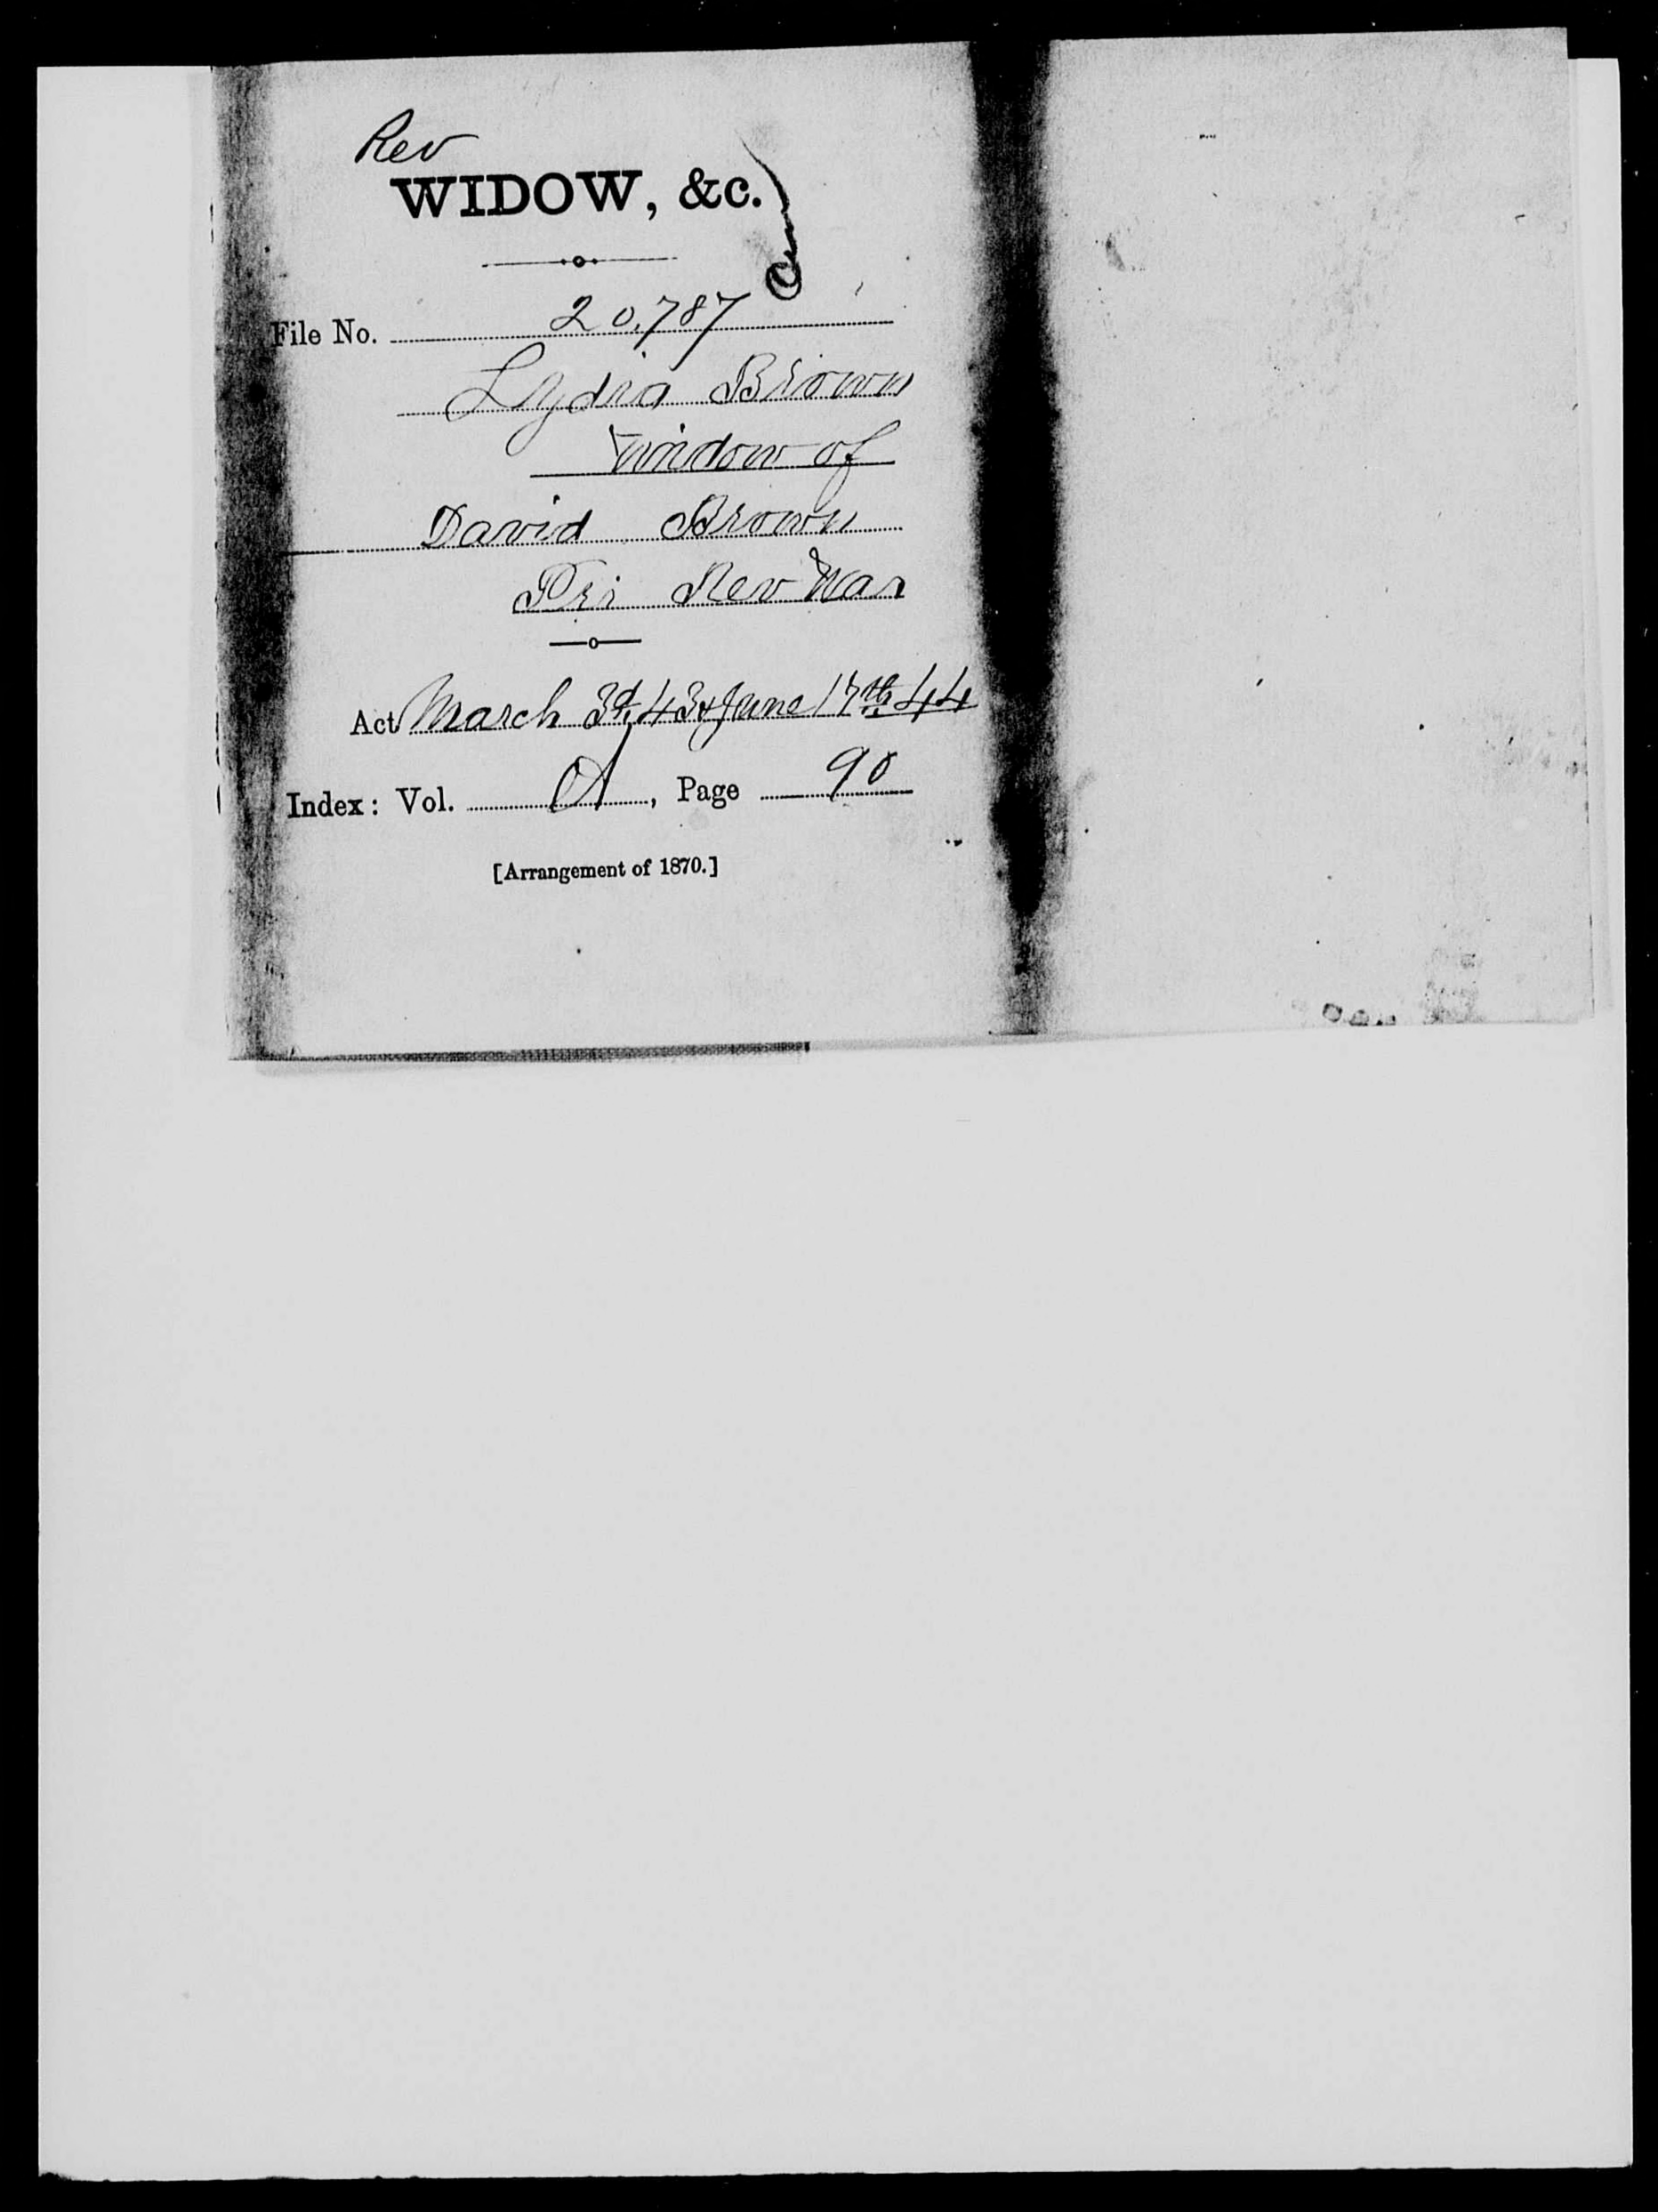Rev
WIDOW, &c.

File No.20.787
Lydia Brown
widow of
David Brown
Private Rev War
---
Act March 3rd, 1843 & June 17th 1844
Index: Vol. A, Page 90
Arrangement of 1870.]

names: David Brown, Lydia Brown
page: 36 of 37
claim: widow's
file: W. 20,787, Daniel Brown, Conn. Navy.